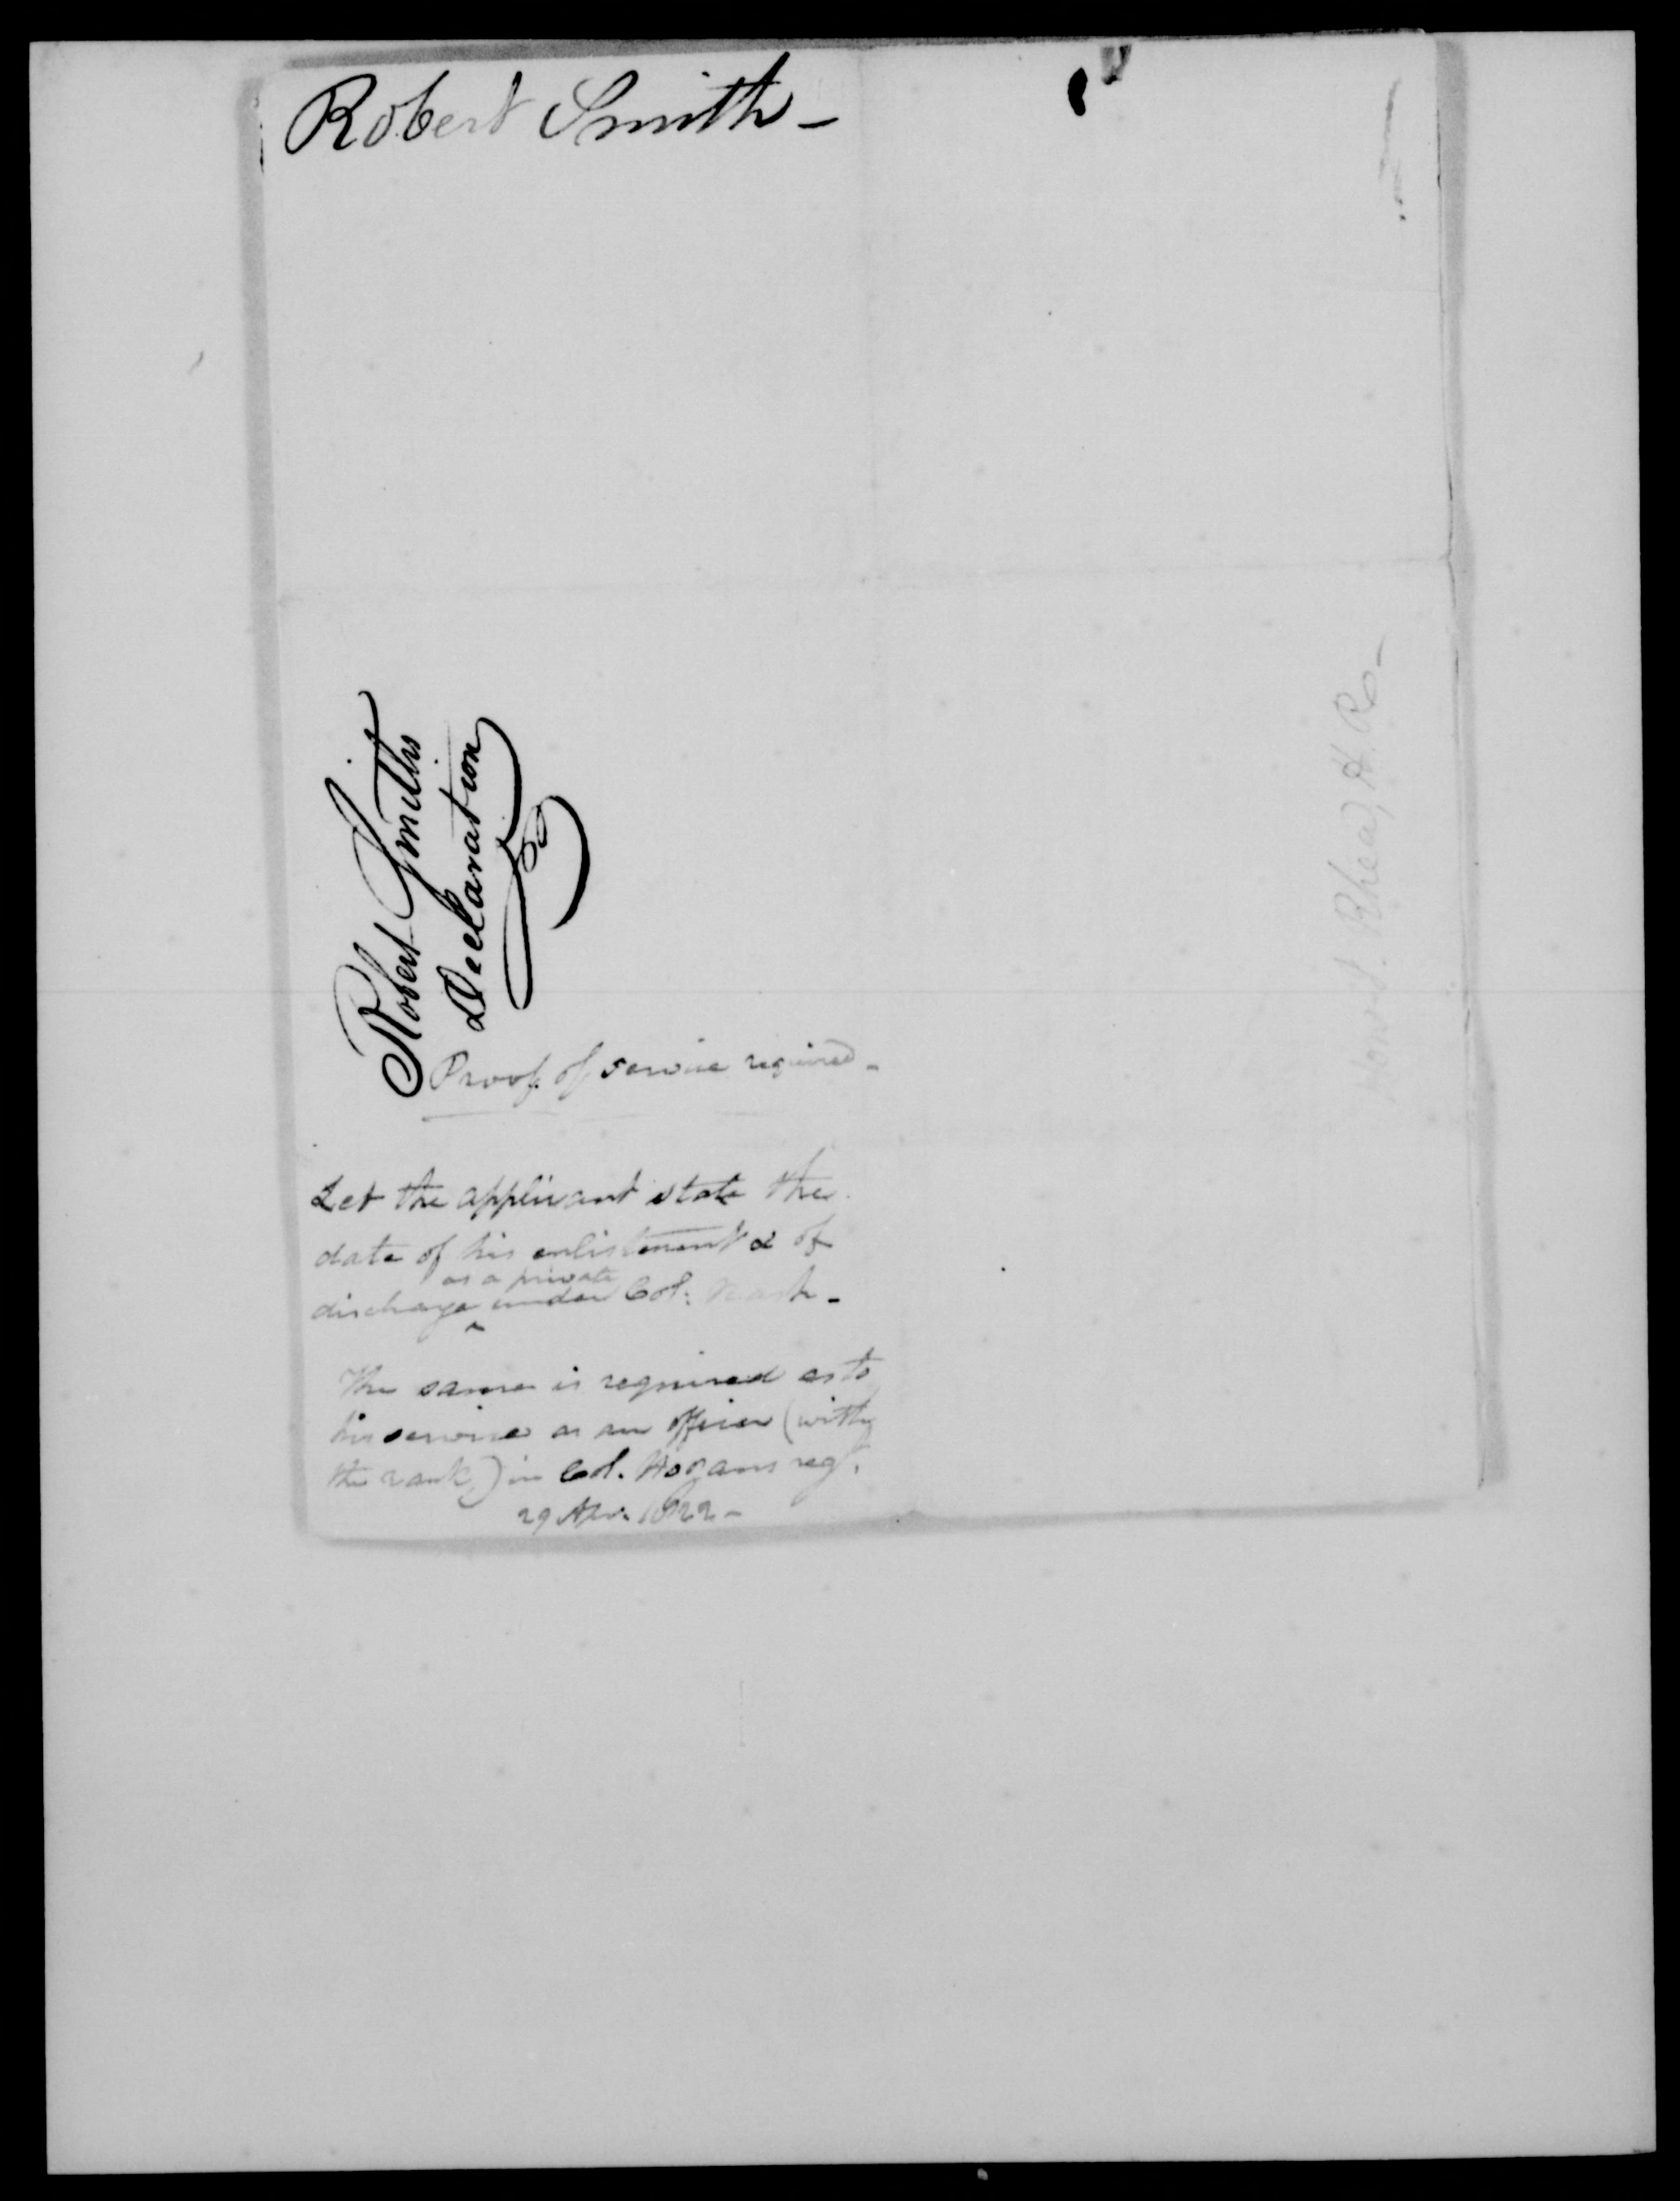Robert Smith
Proof of service required -
Let the applicant state the
date of his enlistments & of
discharge as a private under Col: [Francis] Nash -

The same is required as to
his service as an officer (with
the rank) in Col. Hogans [James Hogun] reg.
29 Apr 1822

Robert Smiths
Declaration

Hon J. Rhea, H. R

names: Robert Smith; [BLANK] Hogan; Robert Smith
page: 6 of 79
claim: widow's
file: W. 1504, for Robert Smith, North Carolina